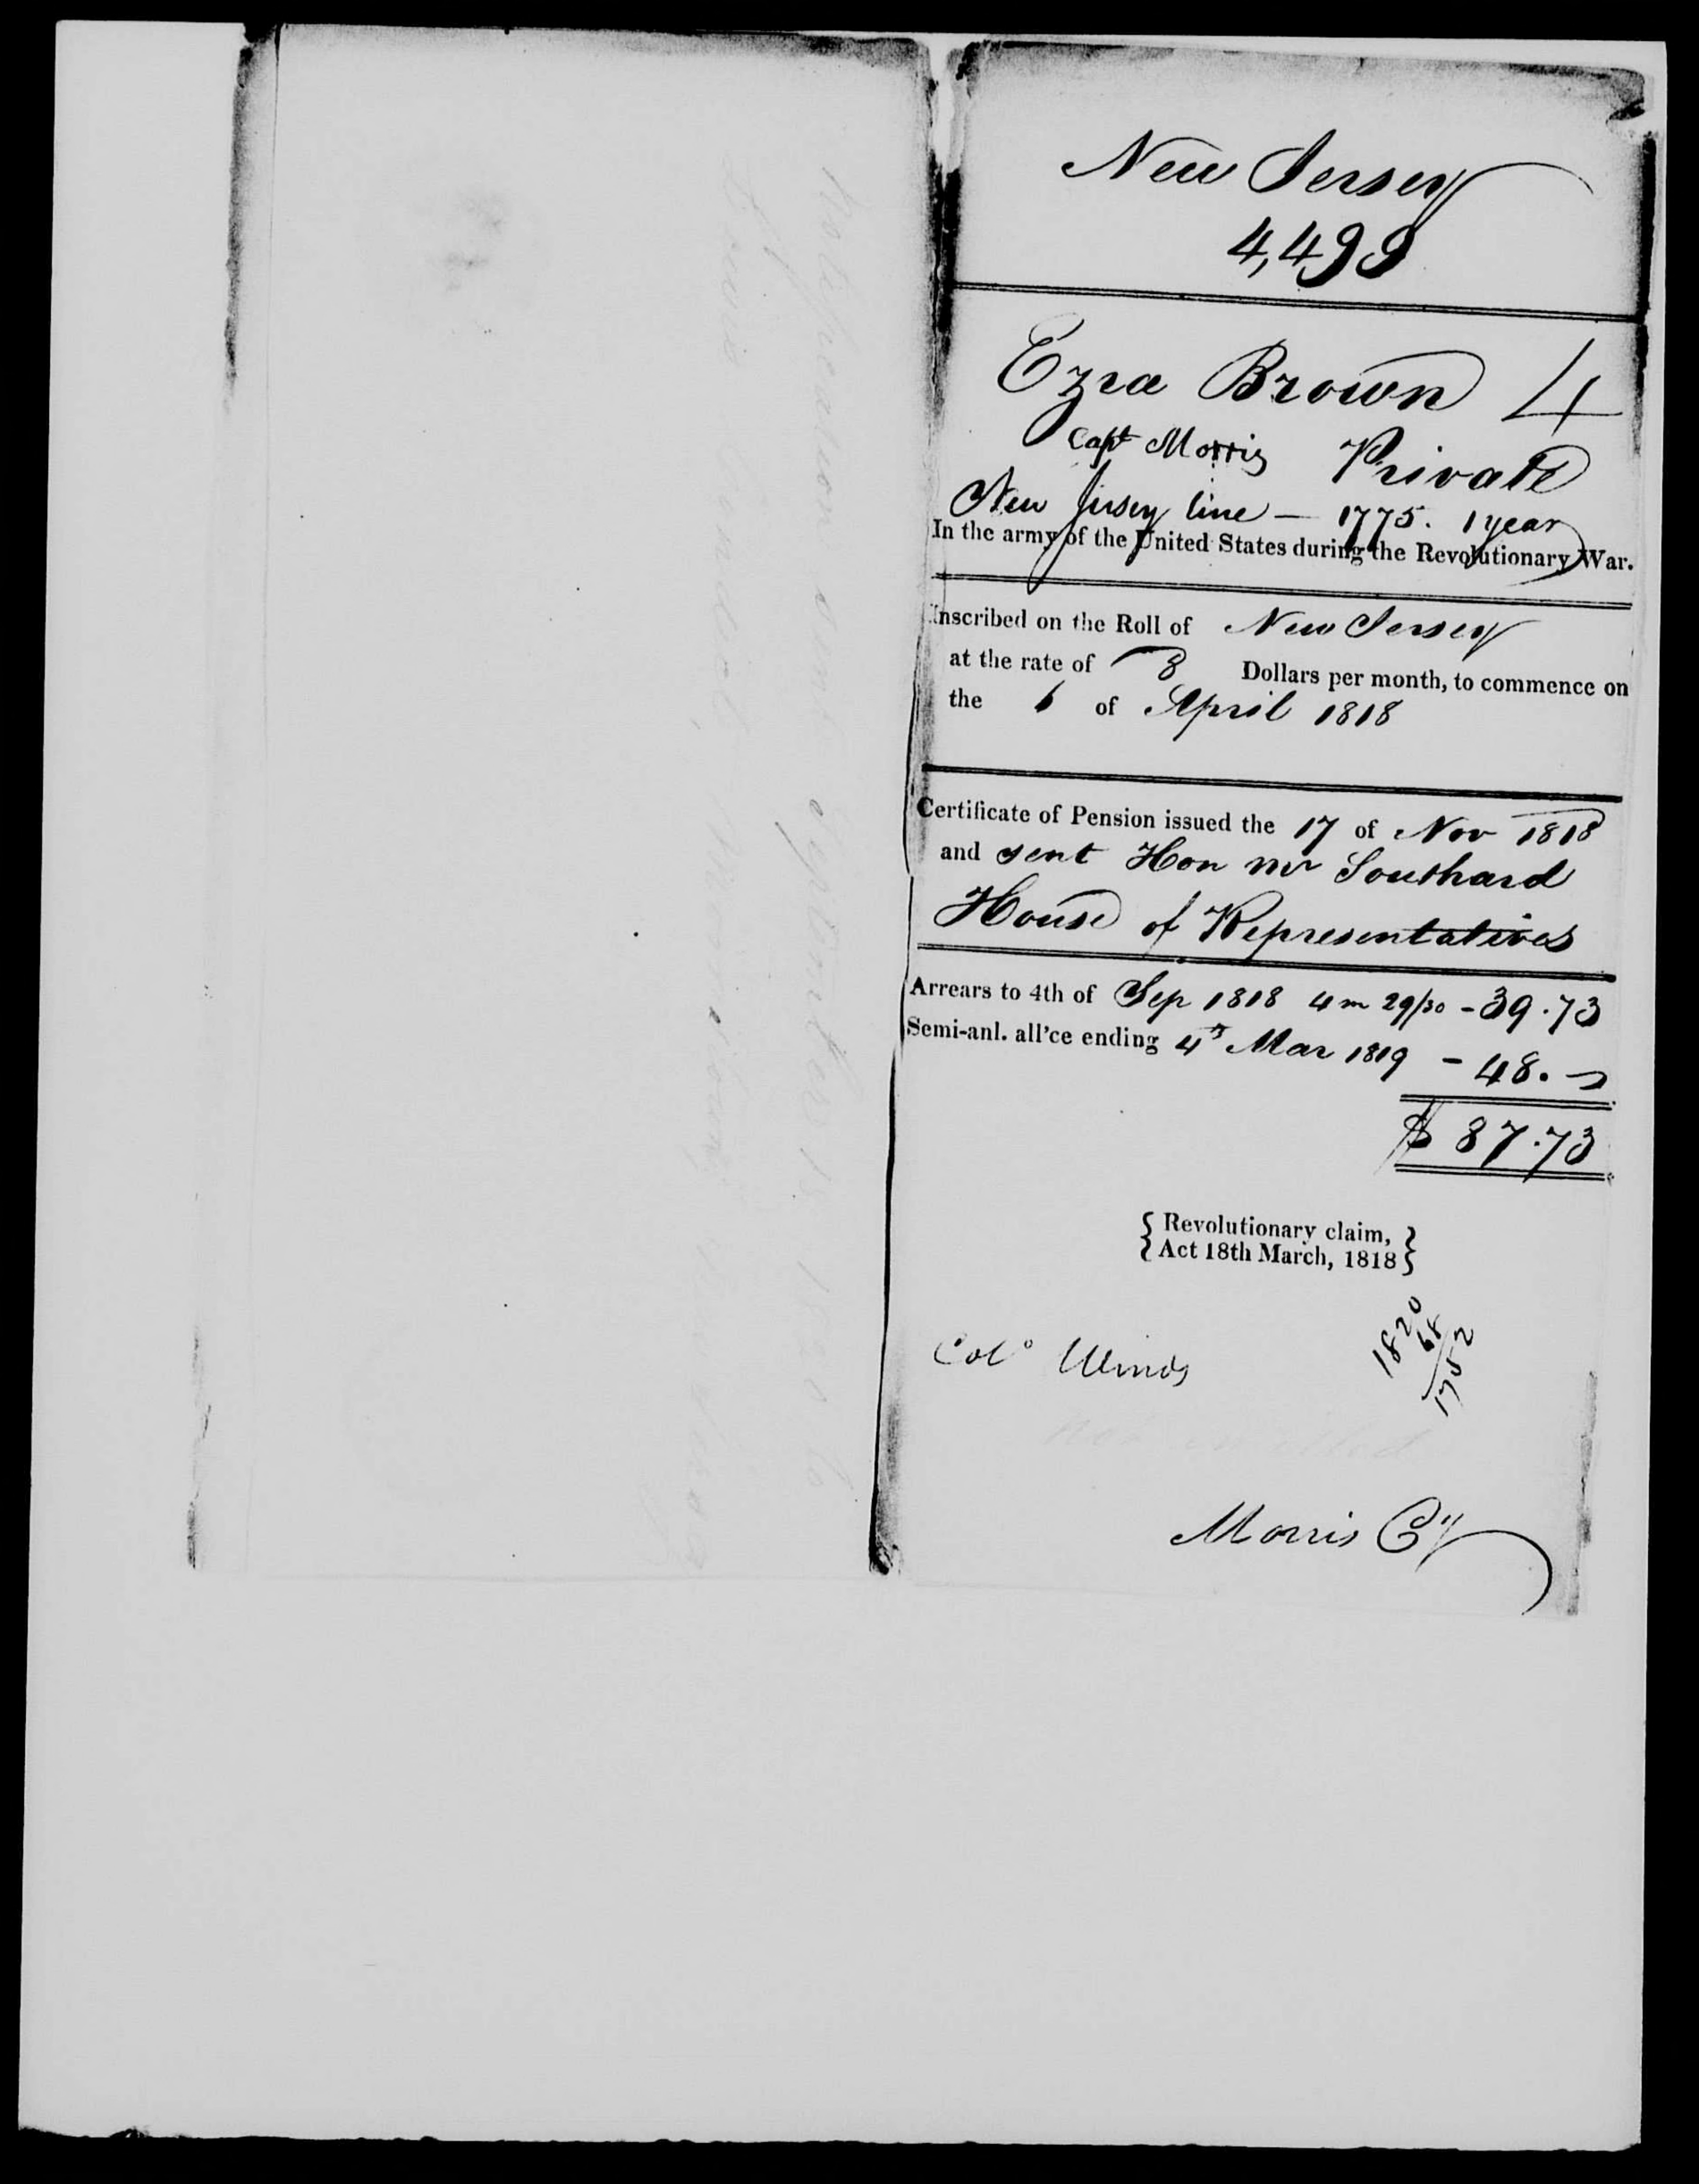New Jersey
4,499
Ezra Brown 4
Capt Morris Private
New Jersey line - 1775. 1 year
In the army of the United States during the Revolutionary War
Inscribed on the Roll of New Jersey
at the rate of 8 Dollars per month, to commence on
the 6 of April 1818
Certificate of Pension issued the 17 of Nov 1818
and sent Hon Mr Southard
House of Representatives
Arrears to 4th of Sep 1818 4m 29/30 - 39.73
semi-anl. all'ce ending 4th Mar 1819 - 48.-
                                                            $87.73
{Revolutionary claim,
Act 18th March 1818}
Col. Winds   1820
                        68
                     1752
Morris Cpt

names: Southard, Winds, Morris, Ezra Brown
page: 2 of 27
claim: survivor's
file: S. 34,094, Ezra Brown, New Jersey